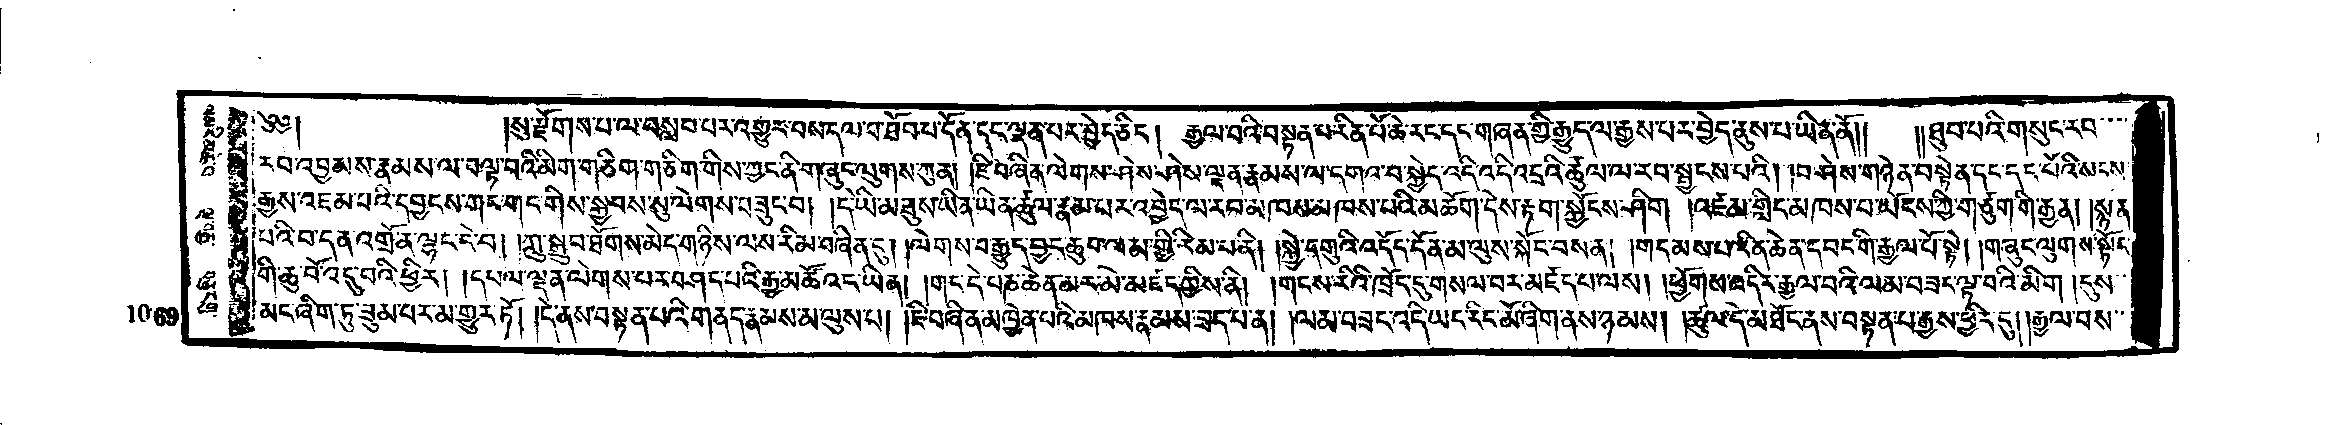༄༅། །སུ་རྫོགས་པ་ལ་བསླབ་པར་འགྱུར་བས་དལ་བ་ཐོབ་པ་དོན་དང་ལྡན་པར་བྱེད་ཅིང་། རྒྱལ་བའི་བསྟན་པ་རིན་པོ་ཆེ་རང་དང་གཞན་གྱི་རྒྱུད་ལ་རྒྱས་པར་བྱེད་ནུས་པ་ཡིན་ནོ།། །།ཐུབ་པའི་གསུང་རབ་
རབ་འབྱམས་རྣམས་ལ་བལྟ་བའི་མིག་གཅིག་གཅིག་གིས་ཀྱང་ནི་གཞུང་ལུགས་ཀུན། །ཇི་བཞིན་ལེགས་ཤེས་ཤེས་ལྡན་རྣམས་ལ་དགའ་བ་སྐྱེད་འདི་འདི་འདྲའི་ཚུལ་ལ་རབ་སྦྱངས་པའི། །བཤེས་གཉེན་བསྟེན་དང་དང་པོའི་སངས་
རྒྱས་འཇམ་པའི་དབྱངས་གང་གང་གིས་སྐྱབས་སུ་ལེགས་བཟུང་བ། །དེ་ཡི་མཐུས་ཡིན་ཡིན་ཚུལ་རྣམ་པར་འབྱེད་ལ་རབ་མཁས་མཁས་པའི་མཆོག་དེས་རྟག་སྐྱོངས་ཤིག །འཛམ་གླིང་མཁས་པ་ཡོངས་ཀྱི་གཙུག་གི་རྒྱན། །སྙན་
པའི་བ་དན་འགྲོ་ན་ལྷང་ངེ་བ། །ཀླུ་སྒྲུབ་ཐོགས་མེད་གཉིས་ལས་རིམ་བཞིན་དུ། །ལེགས་བརྒྱུད་བྱང་ཆུབ་ལམ་གྱི་རིམ་པ་ནི། །སྐྱེ་དགུའི་འདོད་དོན་མ་ལུས་སྐོང་བས་ན། །གདམས་པ་རིན་ཆེན་དབང་གི་རྒྱལ་པོ་སྟེ། །གཞུང་ལུགས་སྟོང་
གི་ཆུ་བོ་འདུ་བའི་ཕྱིར། །དཔལ་ལྡན་ལེགས་པར་བཤད་པའི་རྒྱ་མཚོའང་ཡིན། །གལ་དེ་པཎ་ཆེན་མར་མེ་མཛད་ཀྱིས་ནི། །གངས་རིའི་ཁྲོད་དུ་གསལ་བར་མཛད་པ་ལས། །ཕྱོགས་འདིར་རྒྱལ་བའི་ལམ་བཟང་ལྟ་བའི་མིག །དུས་
མང་ཞིག་ཏུ་ཟུམ་པར་མ་གྱུར་ཏོ། །དེ་ནས་བསྟན་པའི་གནད་རྣམས་མ་ལུས་པ། །ཇི་བཞིན་མཁྱེན་པའི་མཁས་རྣམས་ཟད་པ་ན། །ལམ་བཟང་འདི་ཡང་རིང་མོ་ཞིག་ནས་ཉམས། །ཚུལ་དེ་མཐོང་ནས་བསྟན་པ་རྒྱས་ཕྱིར་དུ། །རྒྱལ་བས་